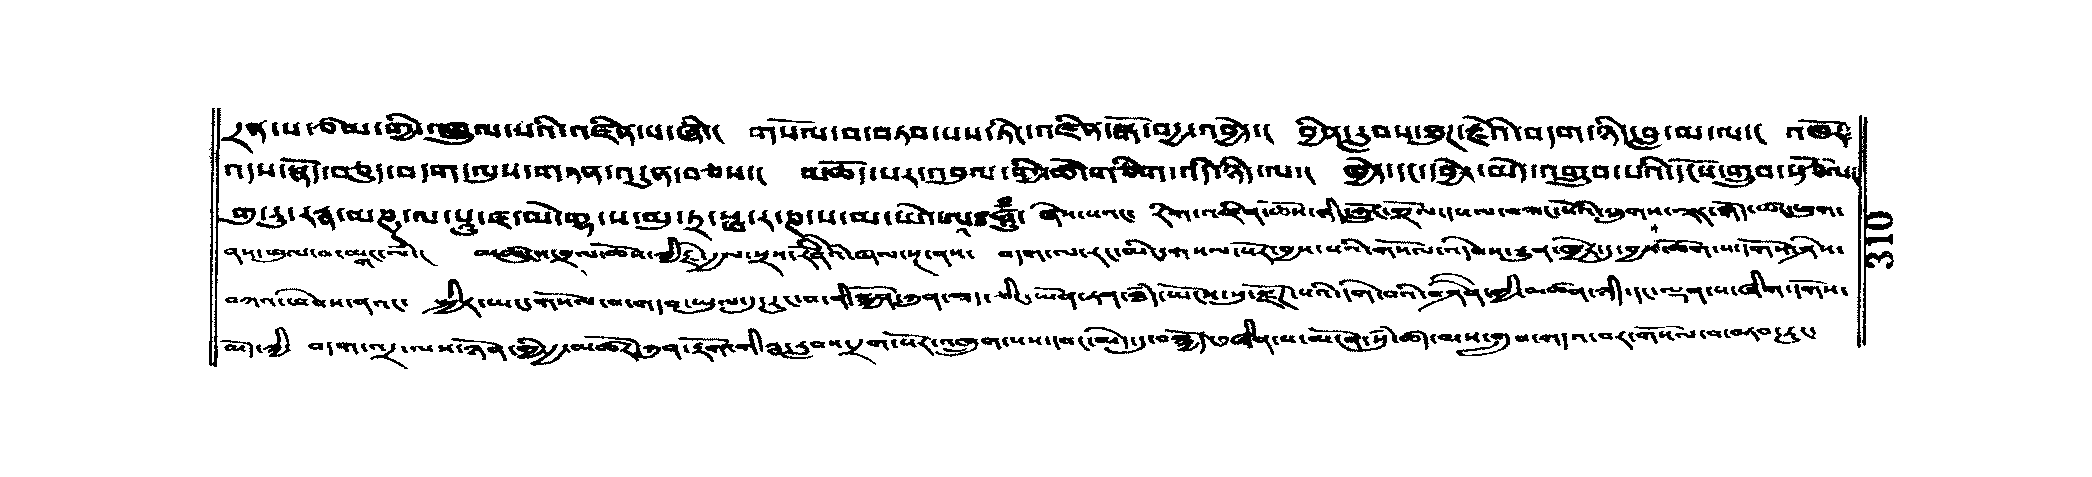།དྲན་པ་ཙམ་གྱི་འཁྲུལ་པའི་འཛིན་པ་ཞི། །གསོལ་བ་བཏབ་པས་ཏིང་འཛིན་སྒོ་བརྒྱ་འབྱེད། །བྱིན་རླབས་ཐུགས་རྗེའི་བདག་ཉིད་བླ་མ་ལ། །འཁོར་
འདས་སྣོད་བཅུད་བདག་ལུས་གཏན་འདུན་བཅས། །མཆོད་པར་འབུལ་གྱི་ཚེ་གཅིག་འདི་ཉིད་ལ། །ཁྱེད་དང་དབྱེར་མེད་འགྲུབ་པའི་དངོས་གྲུབ་སྩོལ། 
གུ་རུ་རཏྣ་མཎྜ་ལ་པཱུ་ཛ་མེ་གྷ་ས་མུ་ཏྲ་སྥ་ར་ཎ་ས་མ་ཡེ་ཨཱཿཧཱུྃ། ཞེས་པའང་རིག་འཛིན་ཆོས་ཉིད་གློང་གྲོལ་དཔལ་བཟང་པོའི་ཐུགས་བཞེད་ལྟར་རྒོད་ཚང་ཕུག་
ནས་ཕུལ་བ་མངྒ་ལཾ།། མཚུངས་བྲལ་ཆོས་ཀྱི་རྗེ་རྒྱལ་སྲས་རིན་པོ་ཆེའི་ཞལ་སྔ་ནས། བདག་ལ་རང་མིང་གསལ་པོར་བྱས་པའི་གསོལ་འདེབས་རྒྱུན་ཁྱེར་དུ་བྱས་ཆོག་པ་དགོས་ཤེས་
བཀའ་ཕེབས་ནའང་།སྤྱིར་ཡང་གསོལ་བ་གདབ་ཡུལ་དུ་རུང་བ་ནི་སྐྱོན་ཀུན་ཟད་ཅིང་ཡོན་ཏན་ཐམས་ཅད་ཡོངས་སུ་རྫོགས་པའི་དགེ་བའི་བཤེས་གཉེན་གྱི་མཚན་ཉིད་དང་ལྡན་པ་ཞིག་དགོས་
མོད་ཀྱི། བདག་འདྲ་ལས་ཉོན་གྱི་རྒྱ་མཚོར་ཀུན་རྟོག་གི་རྦ་རླབས་དྲག་པོར་འཁྲུག་པས་དབང་མེད་དུ་བསྐྱོད་བཞིན་པ་མངོན་སུམ་ཚད་མས་གྲུབ་གདའ་བར་གསོལ་བ་བཏབ་རུང་